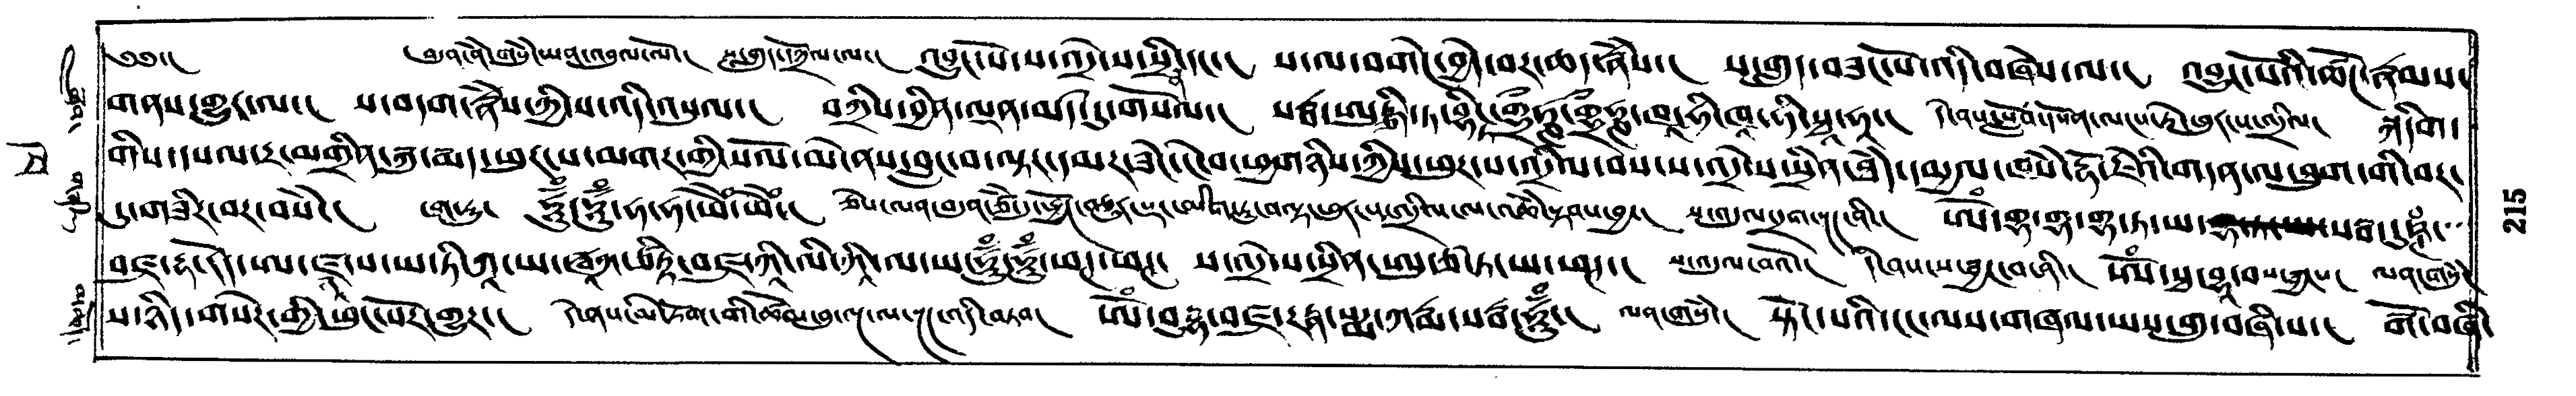བདུན་ནམ་གསུམ་ཡན་འབུལ་ལོ།། ས་གླུད་དཀྲོལ་ལ། འབྱུང་པོ་ས་འདྲེ་ས་སྲིན་དང་། །ས་ལ་བགེགས་བྱེད་བར་ཆད་རྣམས། །ས་གླུད་བཟང་པོ་འདི་བཞེས་ལ། །འབྱུང་པོའི་ཚོགས་རྣམས་
གནས་གྱུར་ལ། །ས་བདག་རྣམས་ཀྱི་ས་འདི་འབུལ། །བཀྲ་ཤིས་བྱིན་ལྡན་མཛད་དུ་གསོལ། །སརྦ་ཨུཙྪི་ཏ་བྷ་ལིང་ཏ་གྷྲྀཧྞ་གྷྲྀཧྞ་ཁཱ་ཧི་ཁཱ་ཧི་སྭ་ཧཱ། དེ་ནས་སློབ་དཔོན་ལངས་ཏེ་ཕུར་པ་འདྲིལ། སྐད་ཅིག་
གིས་དཔལ་རྟ་མགྲིན་སྐུ་སྨད་ཕུར་པ་མགར་གྱི་སོལ་མེ་ནས་བླང་བ་ལྟར་དམར་ཟེང་ངེ་བ་ཕྱག་གཉིས་ཀྱིས་ཕུར་པ་འདྲིལ་བས་ས་འདྲེ་ས་སྲིན་ཐམས་ཅད་དམྱལ་ཁམས་རྡོ་རྗེའི་གདན་ལ་ཐུག་གི་བར་
དུ་གཟིར་བར་བསམ། ངག་ཏུ། ཧཱུྃ་ཧཱུྃ་ཧ་ཧ་ཕཻཾ་ཕཻཾ། ཅེས་ལན་བདུན་ཙམ་དུ་ཕྱོགས་བཅུར་སྡང་མིག་ཏུ་བལྟ། ཕུར་པ་འདྲིལ་ལ་འཆམ་སྟབས་བྱ། ས་འདུལ་དྲག་སྔགས་ནི། ཨོཾ་གྷ་གྷ་གྷ་ཏ་ཡ་སརྦ་དུཥྚཾ་
བཛྲ་དྷ་རཽད་ཨ་ཛྙཱ་པ་ཡ་ཏི་ཀཱ་ཡ་ཝཱཀ་ཙིཏྟ་བཛྲ་ཀཱི་ལི་ཀཱི་ལ་ཡ་ཧཱུྃ་ཧཱུྃ་ཕཊ་ཕཊ། ས་འདྲེ་ས་སྲིན་ཨུ་ཙ་ཏ་ཡ་ཕཊ། ས་འདུལབའོ།། དེ་ནས་ས་སྦྱང་བ་ནི། ཨོཾ་སྭ་བྷཱ་བ ས་སྦྱངས། ལན་གསུམ། 
ས་ཉིད་གསེར་གྱི་ཕུང་པོར་གྱུར། དེ་ནས་མེ་ཏོག་གི་ཚོམ་བུ་ལྔ་ལ་སྔགས་འདི་བཏབ། ཨོཾ་བུདྡྷ་བཛྲ་རཏྣ་པདྨ་ཀརྨ་སརྦ་ཧཱུྃ། ལན་གསུམ། སྟོང་པའི་ངང་ལས་གཞལ་ཡས་གྲུ་བཞི་པ། །སྒོ་བཞི་